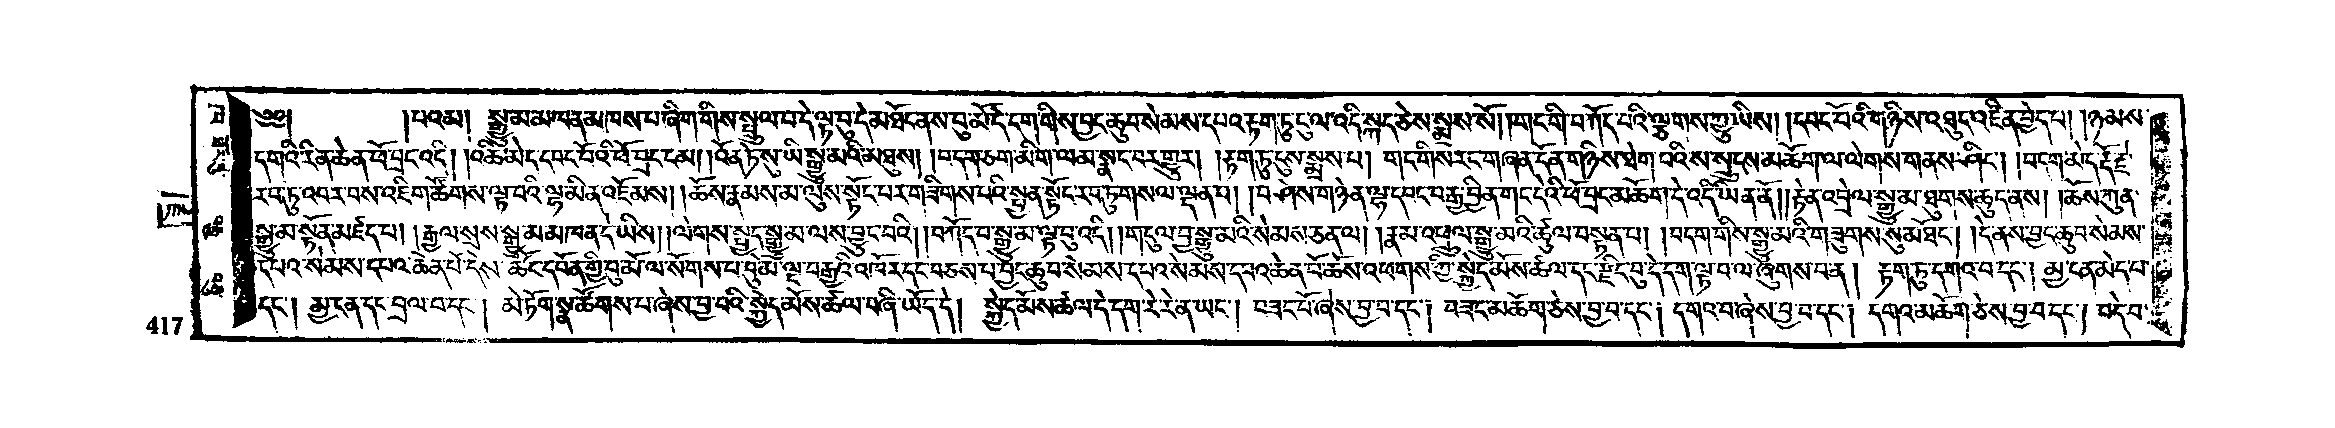༄༅། །པའམ། སྒྱུ་མ་མཁན་མཁས་པ་ཞིག་གིས་སྤྲུལ་པ་དེ་ལྟ་བུ་དེ་མཐོང་ནས་བུ་མོ་དེ་དག་གིས་བྱང་ཆུབ་སེམས་དཔའ་རྟག་ཏུ་ངུ་ལ་འདི་སྐད་ཅེས་སྨྲས་སོ། །གང་གི་བཀོད་པའི་ལྕགས་ཀྱུ་ཡིས། །དབང་པོའི་གཉིས་འཐུང་འཛིན་བྱེད་པ། །ཉམས་
དགའི་རིན་ཆེན་ཕོ་བྲང་འདི། །འཆི་མེད་དབང་པོའི་ཕོ་བྲང་ངམ། །འོན་ཏེ་སུ་ཡི་སྒྱུ་མའི་མཐུས། །བདག་ཅག་མིག་ལམ་སྣང་བར་གྱུར། །རྟག་ཏུ་དུས་སྨྲས་པ། གང་གིས་རང་གཞན་དོན་གཉིས་ཐེག་པའི་ས་སྲུངས་མཆོག་ལ་ལེགས་གནས་ཤིང་། །བདག་མེད་རྡོ་རྗེ་
རབ་ཏུ་འབར་བས་འཇིག་ཚོགས་ལྟ་བའི་ལྷ་མིན་འཇོམས། །ཆོས་རྣམས་མ་ལུས་སྟོང་པར་གཟིགས་པའི་སྤྱན་སྟོང་རབ་ཏུ་གསལ་ལྡན་པ། །བཤེས་གཉེན་ལྷ་དབང་བརྒྱ་བྱིན་གང་དེའི་ཕོ་བྲང་མཆོག་དེ་འདི་ཡིན་ནོ། །རྟེན་འབྲེལ་སྒྱུ་མ་ཐུགས་ཆུད་ནས། །ཆོས་ཀུན་
སྒྱུ་མ་སྟོན་མཛད་པ། །རྒྱལ་སྲས་སྒྱུ་མ་མཁན་དེ་ཡིས། །ལེགས་སྤྱད་སྒྱུ་མ་ལས་བྱུང་བའི། །བཀོད་པ་སྒྱུ་མ་ལྟ་བུ་འདི། །གདུལ་བྱ་སྒྱུ་མའི་སེམས་ཅན་ལ། །རྣམ་འཕྲུལ་སྒྱུ་མའི་ཚུལ་བསྟན་པ། །བདག་གིས་སྒྱུ་མའི་གཟུགས་སུ་མཐོང་། །དེ་ནས་བྱང་ཆུབ་སེམས་
དཔའ་སེམས་དཔའ་ཆེན་པོ་དེས་ཚོང་དཔོན་གྱི་བུ་མོ་ལ་སོགས་པ་བུ་མོ་ལྔ་བརྒྱའི་འཁོར་དང་བཅས་པ་བྱང་ཆུབ་སེམས་དཔའ་སེམས་དཔའ་ཆེན་པོ་ཆོས་འཕགས་ཀྱི་སྐྱེད་མོས་ཚལ་དང་རྫིང་བུ་དེ་དག་ལྟ་བ་ལ་ཞུགས་པ་ན། རྟག་ཏུ་དགའ་བ་དང་། མྱ་ངན་མེད་པ་
དང་། མྱ་ངན་དང་བྲལ་བ་དང་། མེ་ཏོག་སྣ་ཚོགས་པ་ཞེས་བྱ་བའི་སྐྱེད་མོས་ཚལ་བཞི་ཡོད་དེ། སྐྱེད་མོས་ཚལ་དེ་དག་རེ་རེ་ན་ཡང་། བཟང་པོ་ཞེས་བྱ་བ་དང་། བཟང་མཆོག་ཅེས་བྱ་བ་དང་། དགའ་བ་ཞེས་བྱ་བ་དང་། དགའ་མཆོག་ཅེས་བྱ་བ་དང་། བདེ་བ་